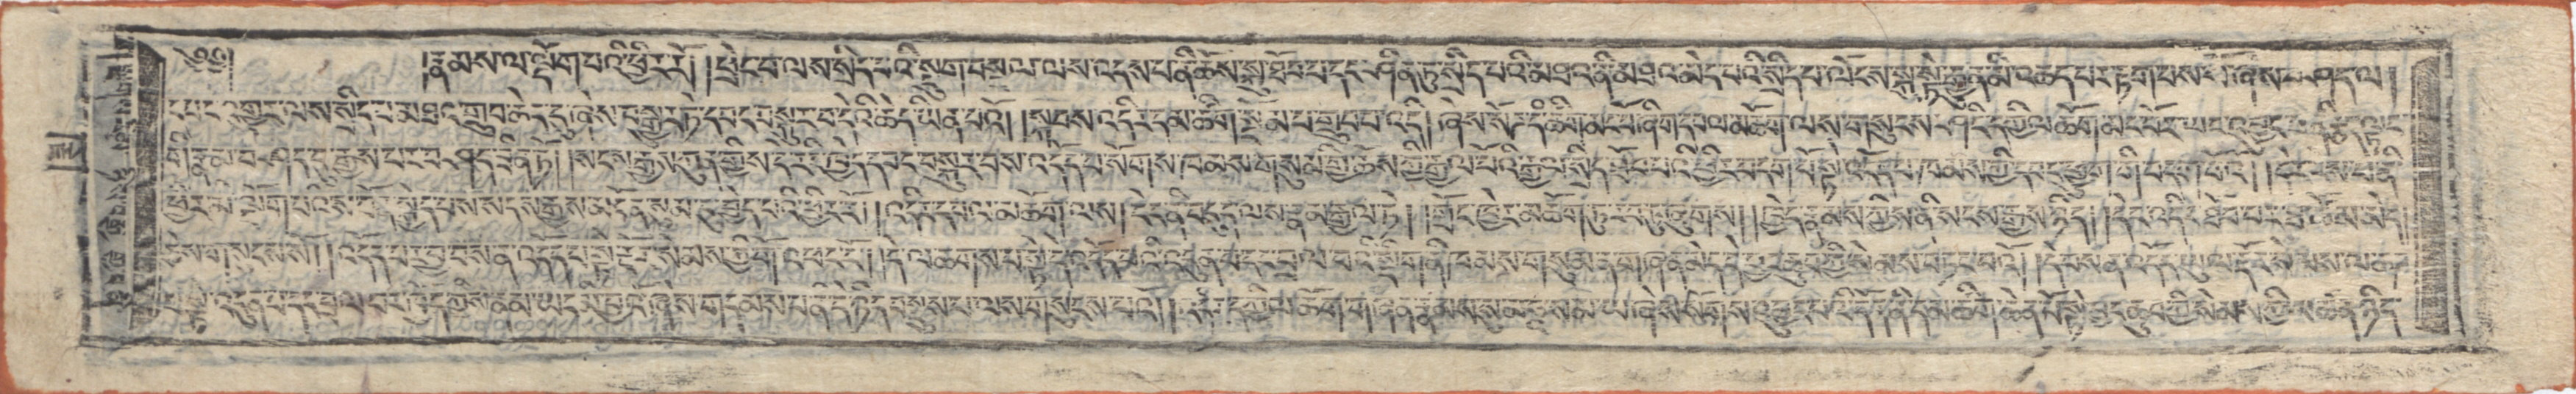༄༅། །རྣམས་ལ་ལྡོག་པའི་ཕྱིར་རོ། །ཕྲེང་བ་ལས་སྲིད་པའི་སྡུག་བསྔལ་ལས་འདས་པ་ནི་ཆོས་སྐུ་ཐོབ་པ་དང་ཤིན་ཏུ་སྲིད་པའི་མཐའ་ནི་མཐའ་མེད་པའི་སྲིད་པ་ལོངས་སྐུ་སྟེ་རྒྱུན་མི་འཆད་པར་རྟག་པས་སོ་ཞེས་བཤད་ལ།
དབང་འགྱུར་ལས་སྲིད་པ་མཐའ་གྲུབ་ཆེད་དུ་ཞེས་བསྒྱུར་ཏེ་དབང་བསྐུར་བ་དེའི་ཆེད་ཡིན་པའོ། །སྐབས་འདིར་དམ་ཚིག་སྡོམ་པ་གྲུབ་པ་འདི། ཞེས་སོགས་དཾ་ཚིག་མང་པོ་ཞིག་དཔལ་མཆོག་ལས་གསུངས་ཤིང་དཀྱིལ་ཆོག་མང་པོར་ཡང་འབྱུང་བ་ནི་རྩ་ལྟུང་
གི་རྣམ་བཤད་དུ་རྒྱས་པར་བཤད་ཟིན་ཏོ། །སངས་རྒྱས་ཀུན་གྱིས་དེ་རིང་ཁྱེད་དབང་བསྐུར་བས་འདོད་པ་སོགས་ཁམས་གསུམ་གྱི་ཆོས་ཀྱི་རྒྱལ་པོའི་རྒྱལ་སྲིད་ཐོབ་པའི་ཕྱིར་བདག་པོ་སྟེ་འདོད་པ་ཁམས་ཀྱི་དབང་ཕྱུག་གི་བདག་པོའོ། །དེར་ངེས་པ་ནི་
ཕྱིར་མི་ལྡོག་པའི་ས་བོན་སྐྱེད་པས་སངས་རྒྱས་མངོན་སུམ་དུ་བྱེད་པའི་ཕྱིར་རོ། །འདིར་དཔལ་མཆོག་ལས། དེང་ནི་བདུད་ལས་རྣམ་རྒྱལ་ཏེ། །གྲོང་ཁྱེར་མཆོག་ཏུ་རབ་ཏུ་ཞུགས། །ཁྱེད་རྣམས་ཀྱིས་ནི་སངས་རྒྱས་ཉིད། །དེང་འདིར་ཐོབ་པར་ཐེ་ཚོམ་མེད།
ཅེས་གསུངས་སོ། །འདོད་པར་བྱ་བས་ན་འདོད་པ་སྟེ་རྡོར་སེམས་ཀྱི་གོ་འཕང་ངོ། །དེ་ལ་ཆགས་པ་སྟེ་དེ་འདོད་པའི་འདུན་པ་དང་བྲལ་བའི་སྡིག་ནི་ཁམས་གསུམ་ན་གཞན་མེད་དེ་བྱང་ཆུབ་ཀྱི་སེམས་བཏང་བའོ། །དེ་བས་ན་འདོད་ཡུལ་རྡོར་སེམས་ལ་ཆགས་
པ་སྟེ་འདུན་པ་དང་བྲལ་བར་ཁྱོད་ཀྱིས་ནམ་ཡང་མི་བྱའོ་ཞེས་གདམས་པ་ནི་དེ་ཉིད་བསྡུས་པ་ལས་གསུངས་པའོ། །འདིར་དཀྱིལ་ཆོག་གཞན་རྣམས་སུ་མ་ཧཱ་ས་མ་ཡ་ཞེས་སོགས་འབྱུང་པའི་དོན་ནི་དམ་ཚིག་ཆེན་པོ་སྟེ་བྱང་ཆུབ་ཀྱི་སེམས་ཀྱི་མཚན་ཉིད་